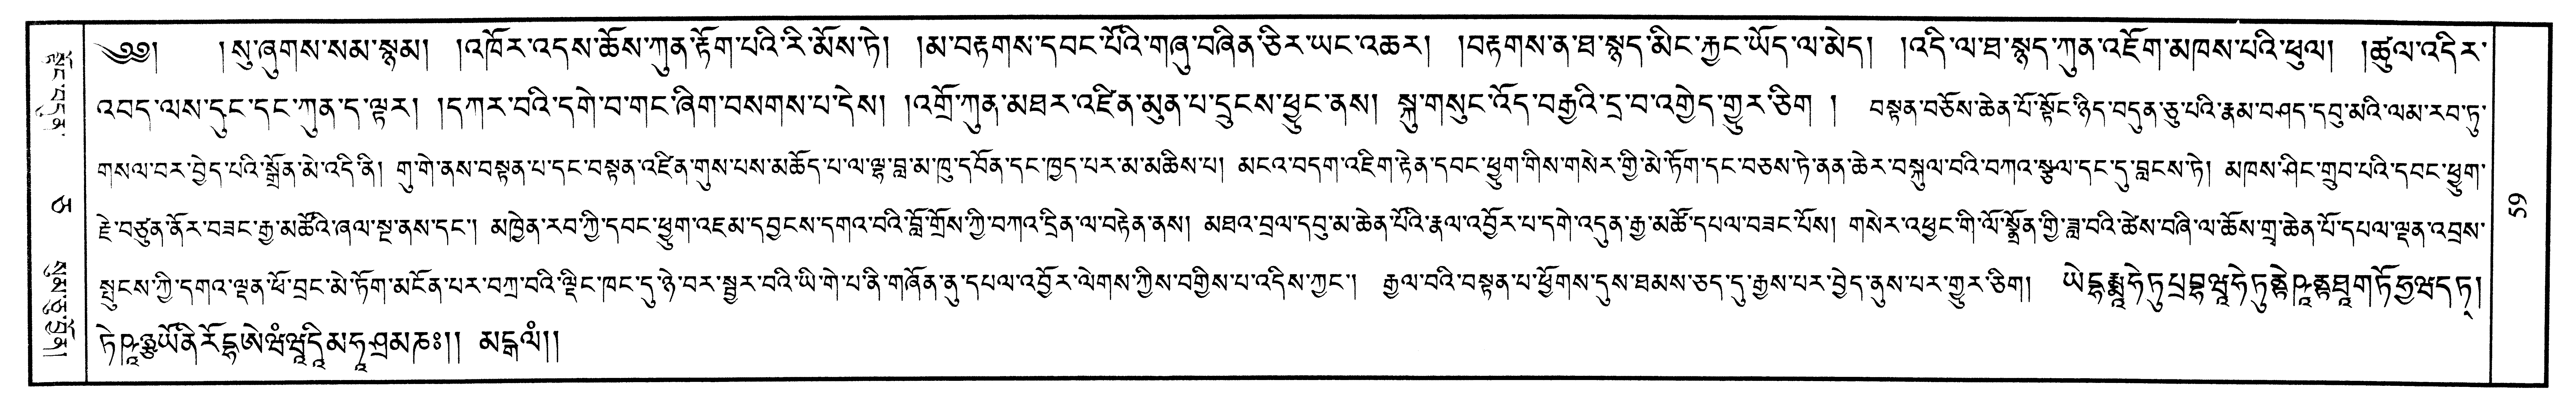༄༅། །སུ་ཞུགས་སམ་སྙམ། །འཁོར་འདས་ཆོས་ཀུན་རྟོག་པའི་རི་མོས་ཏེ། །མ་བརྟགས་དབང་པོའི་གཞུ་བཞིན་ཅིར་ཡང་འཆར། །བརྟགས་ནས་ཐ་སྙད་མིང་རྐྱང་ཡོད་ལ་མེད། །འདི་ལ་ཐ་སྙད་ཀུན་འཇོག་མཁས་པའི་ཕུལ། །ཚུལ་འདིར་
འབད་ལས་དུང་དང་ཀུན་ད་ལྟར། །དཀར་བའི་དགེ་བ་གང་ཞིག་བསགས་པ་དེས། །འགྲོ་ཀུན་མཐར་འཛིན་མུན་པ་དྲུངས་ཕྱུང་ནས། སྐུ་གསུང་འོད་བརྒྱའི་དྲ་བ་འགྱེད་གྱུར་ཅིག །བསྟན་བཅོས་ཆེན་པོ་སྟོང་ཉིད་བདུན་ཅུ་པའི་རྣམ་བཤད་དབུ་མའི་ལམ་རབ་ཏུ་
གསལ་བར་བྱེད་པའི་སྒྲོན་མེ་འདི་ནི། གུ་གེ་ནས་བསྟན་པ་དང་བསྟན་འཛིན་གུས་པས་མཆོད་པ་ལ་ལྷ་བླ་མ་ཁུ་དབོན་དང་ཁྱད་པར་མ་མཆིས་པ། མངའ་བདག་འཇིག་རྟེན་དབང་ཕྱུག་གིས་གསེར་གྱི་མེ་ཏོག་དང་བཅས་ཏེ་ནན་ཆེར་བསྐུལ་བའི་བཀའ་སྩལ་དང་དུ་བླངས་ཏེ། མཁས་ཤིང་གྲུབ་པའི་དབང་ཕྱུག་
རྗེ་བཙུན་ནོར་བཟང་རྒྱ་མཚོའི་ཞལ་སྔ་ནས་དང་། མཁྱེན་རབ་ཀྱི་དབང་ཕྱུག་འཇམ་དབྱངས་དགའ་བའི་བློ་གྲོས་ཀྱི་བཀའ་དྲིན་ལ་བརྟེན་ནས། མཐའ་བྲལ་དབུ་མ་ཆེན་པོའི་རྣལ་འབྱོར་པ་དགེ་འདུན་རྒྱ་མཚོ་དཔལ་བཟང་པོས། གསེར་འཕྱང་གི་ལོ་སྣྲོན་གྱི་ཟླ་གྱི་ཟླ་བའི་ཚེས་བཞི་ལ་ཆོས་གྲྭ་ཆེན་པོ་དཔལ་ལྡན་འབྲས་
སྤུངས་ཀྱི་དགའ་ལྡན་ཕོ་བྲང་མེ་ཏོག་མངོན་པར་བཀྲ་བའི་ལྡིང་ཁང་དུ་ཉེ་བར་སྦྱར་བའི་ཡི་གེ་པ་ནི་གཞོན་ནུ་དཔལ་འབྱོར་ལེགས་ཀྱིས་བགྱིས་པ་འདིས་ཀྱང་། རྒྱལ་བའི་བསྟན་པ་ཕྱོགས་དུས་ཐམས་ཅད་དུ་རྒྱས་པར་བྱེད་ནུས་པར་གྱུར་ཅིག །ཡེ་དྷརྨྨཱ་ཧེ་ཏུ་པྲ་བྷ་ཝཱ་ཧེ་ཏུནྟེ་ཥཱནྟ་ཐཱ་ག་ཏོ་དྷྱ་ཝ་ད་ཏ།
ཏེ་ཥཱཉྩ་ཡོ་ནི་རོ་དྷ་ཨེ་ཝཾ་ཝཱ་དཱི་མཧཱ་ཤྲ་མཎཿ།། མངླཾ།།